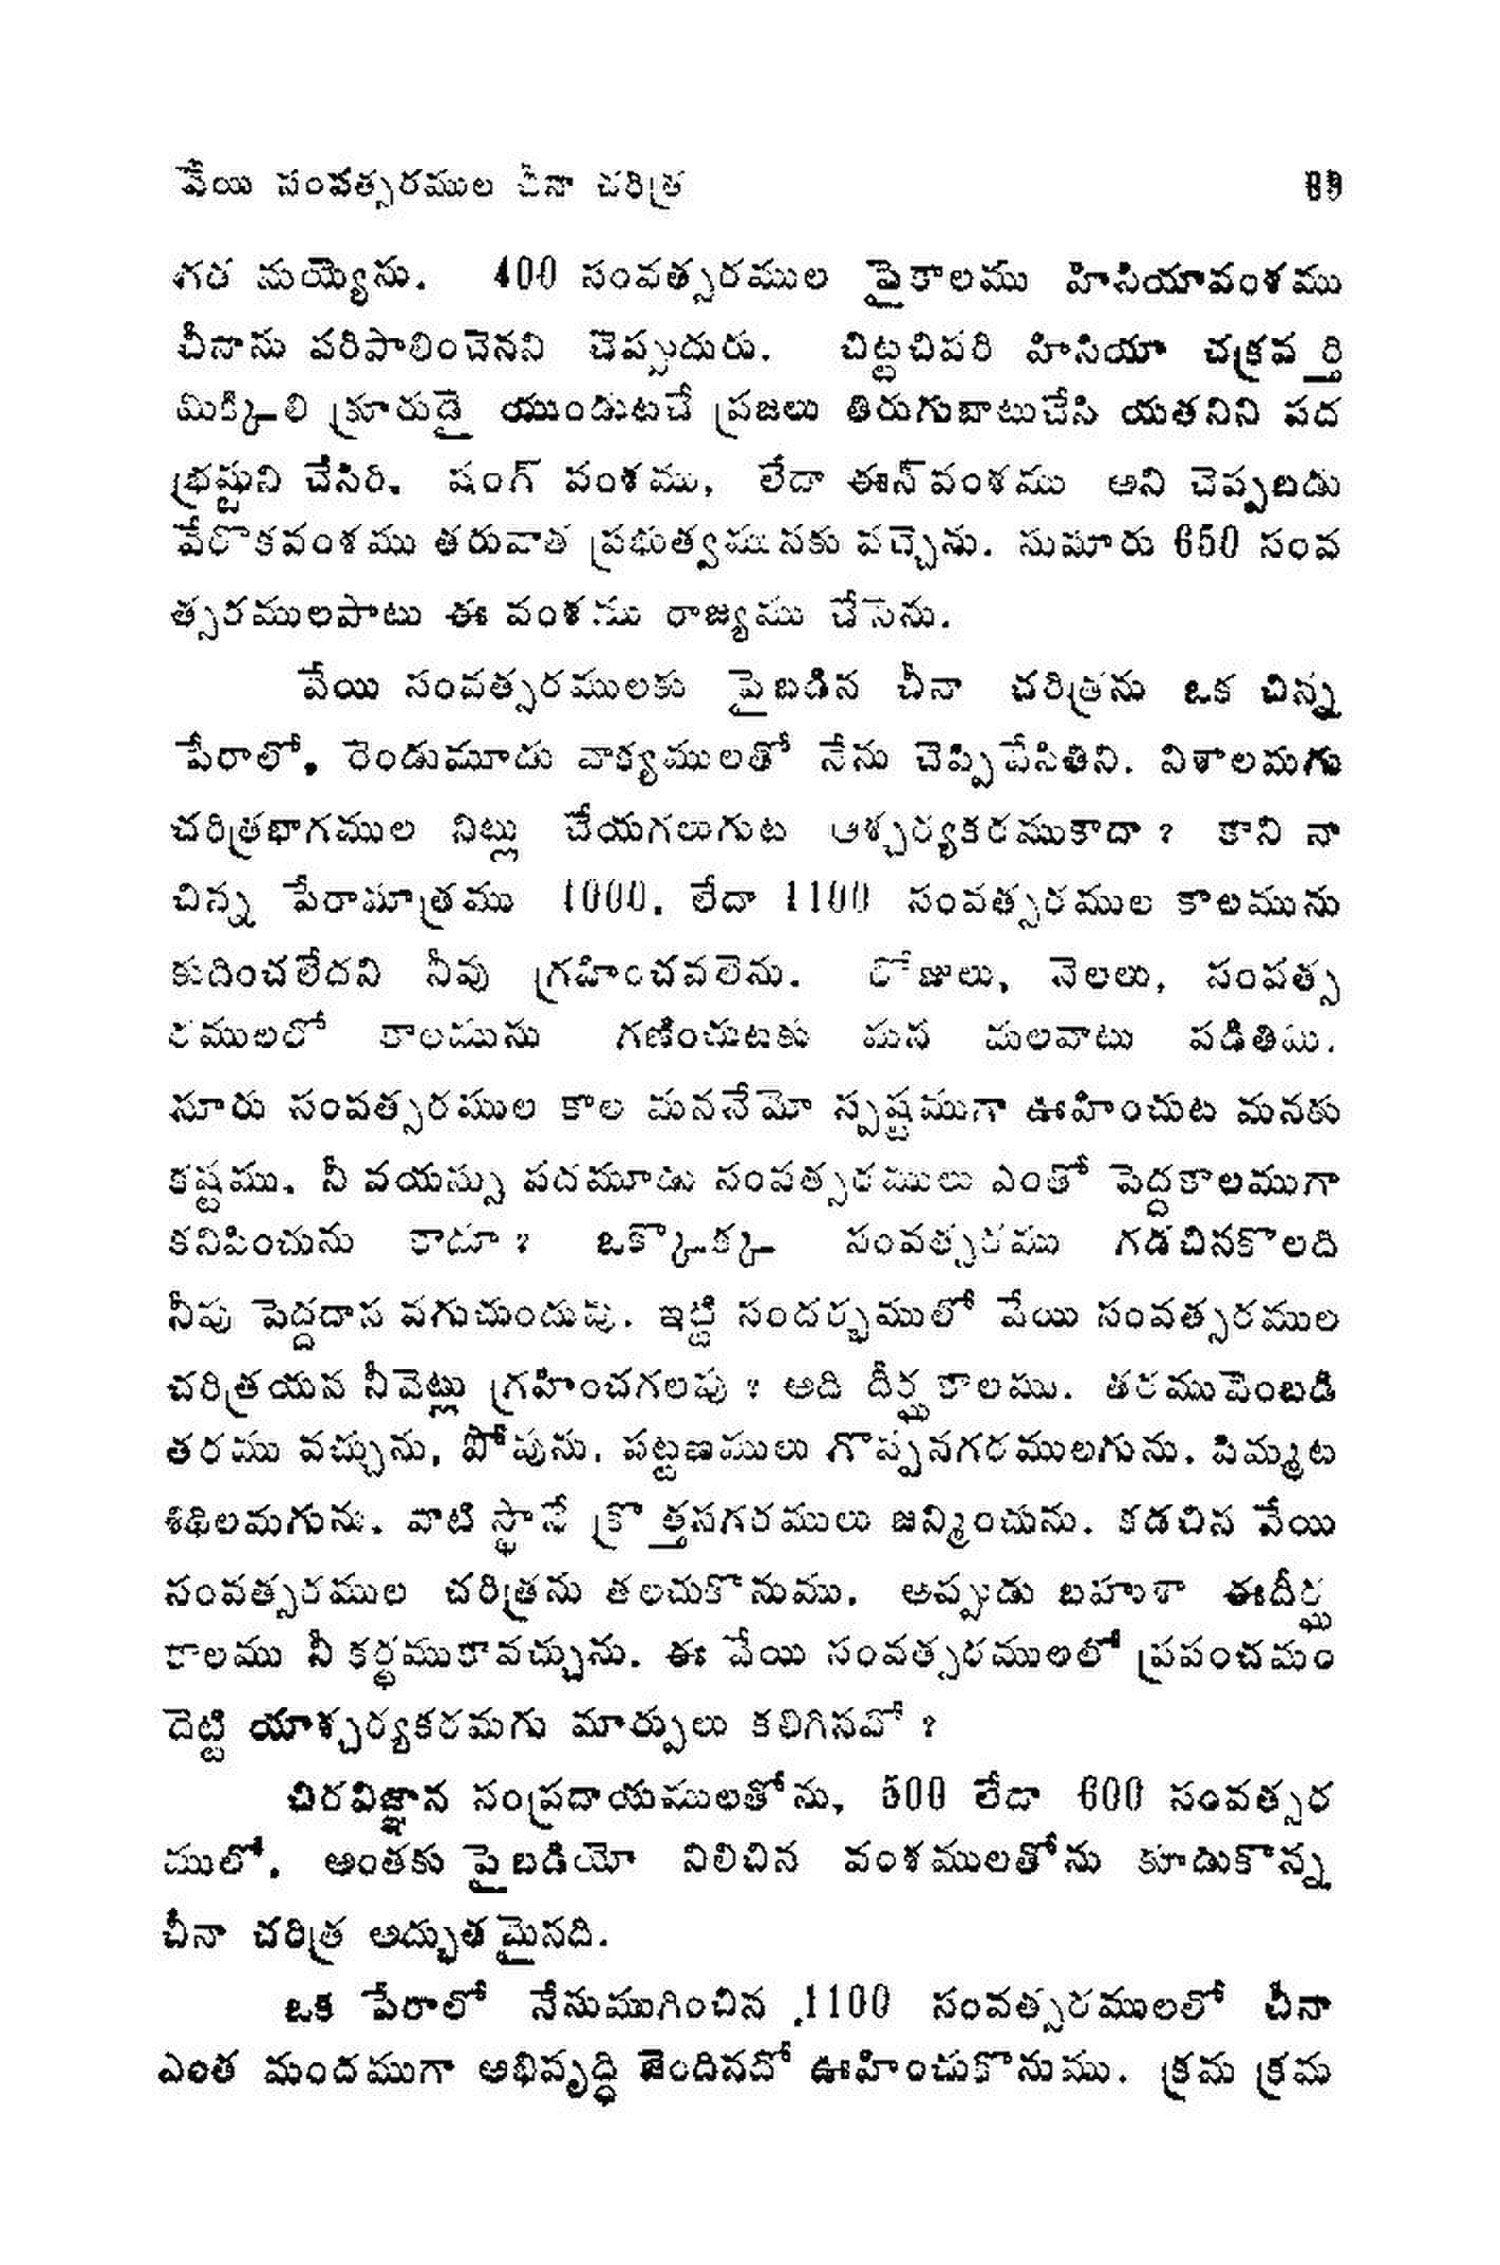గత మయ్యెను. 400 సంవత్సరముల పైకాలము హిసియావంశము చీనాను పరిపాలించెనని చెప్పుదురు. చిట్టచిపరి హిసియా చక్రవర్తి మిక్కిలి క్రూరుడై యుండుటచే ప్రజలు తిరుగుబాటు చేసి యతనిని పదభ్రష్టుని చేసిరి, షంగ్ వంశము, లేదా ఈన్ వంశము అని చెప్పబడు వేరొకవంశము తరువాత ప్రభుత్వమునకు వచ్చెను. సుమారు 650 సంవత్సరములపాటు ఈ వంశము రాజ్యము చేసెను.

వేయి సంవత్సరములకు పైబడిన చీనా చరిత్రను ఒక చిన్న పేరాలో, రెండుమూడు వాక్యములతో నేను చెప్పి వేసితిని. విశాలమగు చరిత్ర భాగముల నిట్లు చేయగలుగుట ఆశ్చర్యకరముకాదా ? కాని నా చిన్న పేరామాత్రము 1000. లేదా 1100 సంవత్సరముల కాలమును కుదించలేదని నీవు గ్రహించవలెను. రోజులు, నెలలు, సంవత్సరములలో కాలమును గణించుటకు మన మలవాటు పడితిమి. నూరు సంవత్సరముల కాల మననేమో స్పష్టముగా ఊహించుట మనకు కష్టము, నీ వయస్సు పదమూడు సంవత్సరములు ఎంతో పెద్దకాలముగా కనిపించును కాదూ? ఒక్కొక్క సంవత్సరము గడచినకొలది నీపు పెద్దదాస వగుచుందువు. ఇట్టి సందర్భములో వేయి సంవత్సరముల చరిత్రయన నీవెట్లు గ్రహించగలపు : అది దీర్ఘ కాలము. తరమువెంబడి తరము వచ్చును, పోవును, పట్టణములు గొప్ప నగరములగును.
పిమ్మట శిథిలమగును. వాటి స్థానే క్రొత్తసగరములు జన్మించును. కడచిన వేయి సంవత్సరముల చరిత్రను తలచుకొనుము, అప్పుడు బహుశా ఈదీర్ఘ కాలము నీ కర్థముకావచ్చును. ఈ వేయి సంవత్సరములలో ప్రపంచమం దెట్టి యాశ్చర్యకరమగు మార్పులు కలిగినవో ?

చిరవిజ్ఞాన సంప్రదాయములతోను, 500 లేదా 600 సంవత్సర ములో. అంతకు పైబడియో నిలిచిన వంశములతోను కూడుకొన్న చీనా చరిత్ర అద్భుత మైనది.

ఒక పేరాలో నేనుముగించిన 1100 సంవత్సరములలో చినా ఎంత మందముగా అభివృద్ధి జెందినదో ఊహించుకొనుము. క్రమ క్రమ